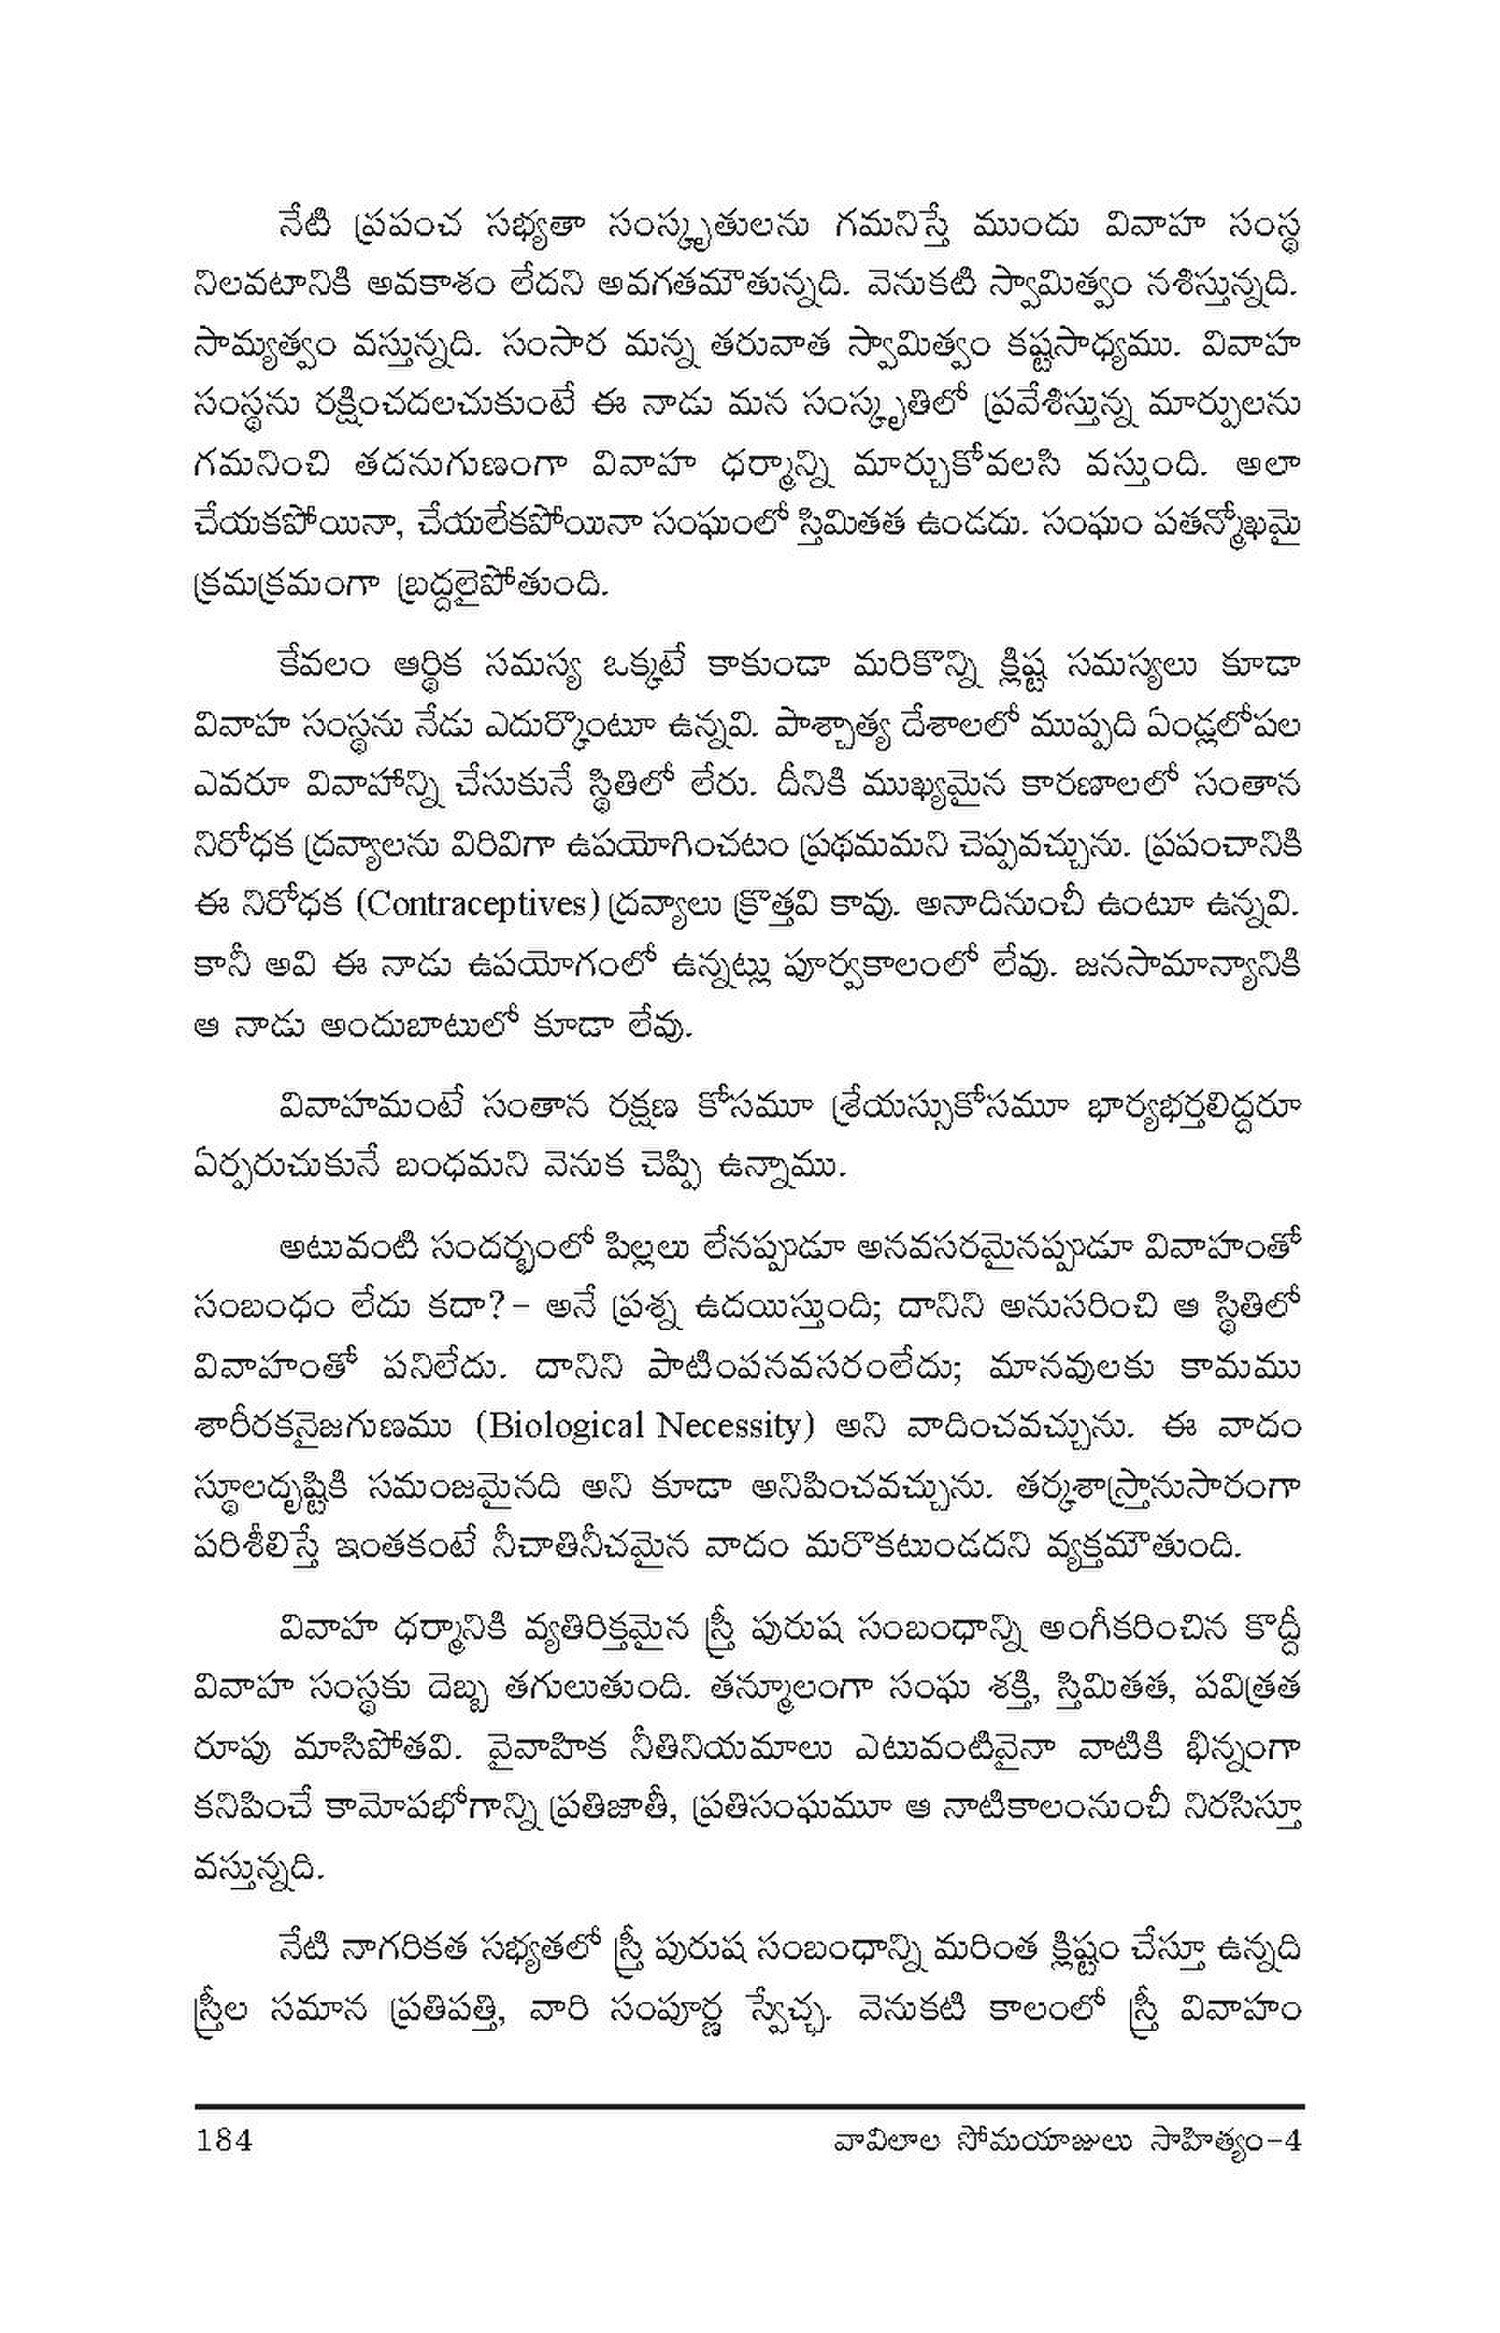నేటి ప్రపంచ సభ్యతా సంస్కృతులను గమనిస్తే ముందు వివాహ సంస్థ
నిలవటానికి అవకాశం లేదని అవగతమౌతున్నది. వెనుకటి స్వామిత్వం నశిస్తున్నది.
సామ్యత్వం వస్తున్నది. సంసార మన్న తరువాత స్వామిత్వం కష్టసాధ్యము. వివాహ
సంస్థను రక్షించదలచుకుంటే ఈ నాడు మన సంస్కృతిలో ప్రవేశిస్తున్న మార్పులను
గమనించి తదనుగుణంగా వివాహ ధర్మాన్ని మార్చుకోవలసి వస్తుంది. అలా
చేయకపోయినా, చేయలేకపోయినా సంఘంలో స్తిమితత ఉండదు. సంఘం పతన్మోఖమై
క్రమక్రమంగా బ్రద్దలైపోతుంది.

కేవలం ఆర్థిక సమస్య ఒక్కటే కాకుండా మరికొన్ని క్లిష్ట సమస్యలు కూడా
వివాహ సంస్థను నేడు ఎదుర్కొంటూ ఉన్నవి. పాశ్చాత్య దేశాలలో ముప్పది ఏండ్లలోపల
ఎవరూ వివాహాన్ని చేసుకునే స్థితిలో లేరు. దీనికి ముఖ్యమైన కారణాలలో సంతాన
నిరోధక ద్రవ్యాలను విరివిగా ఉపయోగించటం ప్రథమమని చెప్పవచ్చును. ప్రపంచానికి
ఈ నిరోధక (Contraceptives) ద్రవ్యాలు కొత్తవి కావు. అనాదినుంచీ ఉంటూ ఉన్నవి.
కానీ అవి ఈ నాడు ఉపయోగంలో ఉన్నట్లు పూర్వకాలంలో లేవు. జనసామాన్యానికి
ఆ నాడు అందుబాటులో కూడా లేవు.

వివాహమంటే సంతాన రక్షణ కోసమూ శ్రేయస్సుకోసమూ భార్యభర్తలిద్దరూ
ఏర్పరుచుకునే బంధమని వెనుక చెప్పి ఉన్నాము.

అటువంటి సందర్భంలో పిల్లలు లేనప్పుడూ అనవసరమైనప్పుడూ వివాహంతో
సంబంధం లేదు కదా? - అనే ప్రశ్న ఉదయిస్తుంది; దానిని అనుసరించి ఆ స్థితిలో
వివాహంతో పనిలేదు. దానిని పాటింపనవసరంలేదు; మానవులకు కామము
శారీరకనైజగుణము (Biological Necessity) అని వాదించవచ్చును. ఈ వాదం
స్థూలదృష్టికి సమంజమైనది అని కూడా అనిపించవచ్చును. తర్కశాస్త్రానుసారంగా
పరిశీలిస్తే ఇంతకంటే నీచాతినీచమైన వాదం మరొకటుండదని వ్యక్తమౌతుంది.
వివాహ ధర్మానికి వ్యతిరిక్తమైన స్త్రీ పురుష సంబంధాన్ని అంగీకరించిన కొద్దీ
వివాహ సంస్థకు దెబ్బ తగులుతుంది. తన్మూలంగా సంఘ శక్తి, స్తిమితత, పవిత్రత
రూపు మాసిపోతవి. వైవాహిక నీతినియమాలు ఎటువంటివైనా వాటికి భిన్నంగా
కనిపించే కామోపభోగాన్ని ప్రతిజాతీ, ప్రతిసంఘమూ ఆ నాటికాలంనుంచీ నిరసిస్తూ
వస్తున్నది.

నేటి నాగరికత సభ్యతలో స్త్రీ పురుష సంబంధాన్ని మరింత క్లిష్టం చేస్తూ ఉన్నది
స్త్రీల సమాన ప్రతిపత్తి, వారి సంపూర్ణ స్వేచ్ఛ. వెనుకటి కాలంలో స్త్రీ వివాహం